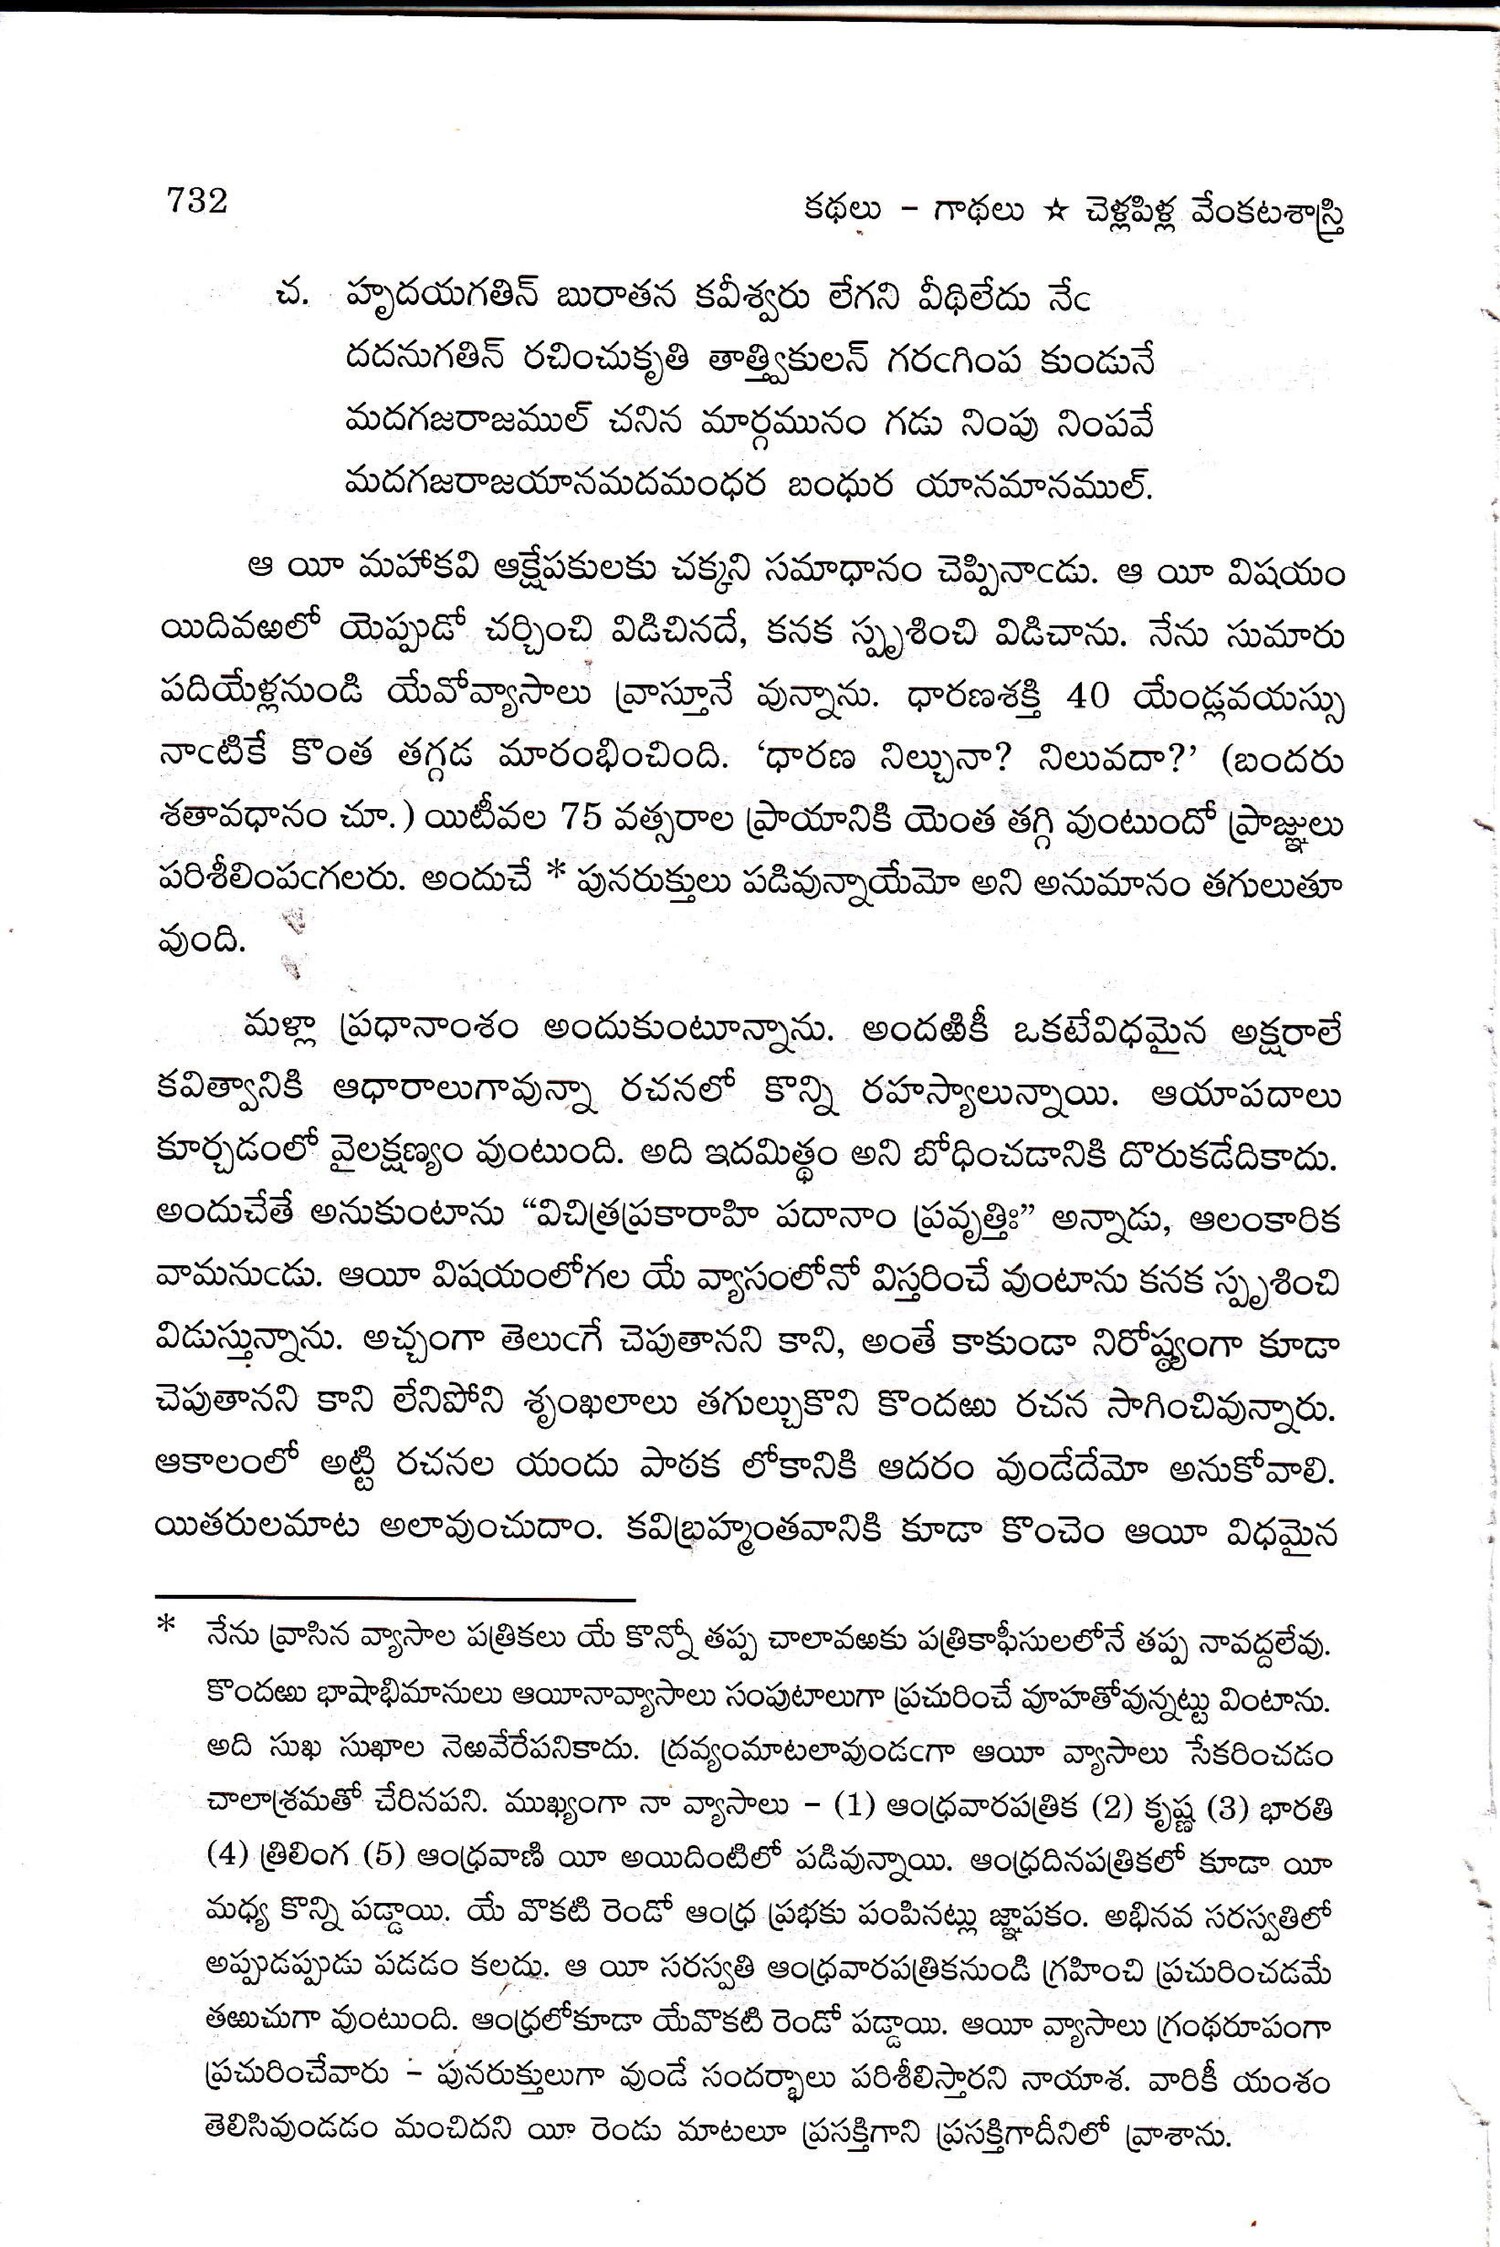చ. హృదయగతిన్ బురాతన కవీశ్వరు లేగని వీథిలేదు నేఁ
 దదనుగతిన్ రచించుకృతి తాత్త్వికులన్ గరఁగింప కుండునే 
 మదగజరాజముల్ చనిన మార్గమునం గడు నింపు నింపవే 
 మదగజరాజయానమదమంధర బంధుర యానమానముల్,
ఆ యీ మహాకవి ఆక్షేపకులకు చక్కని సమాధానం చెప్పినాఁడు. ఆ యీ విషయం యిదివఱలో యెప్పుడో చర్చించి విడిచినదే, కనక స్పృశించి విడిచాను. నేను సుమారు పదియేళ్లనుండి యేవోవ్యాసాలు వ్రాస్తూనే వున్నాను. ధారణశక్తి 40 యేండ్లవయస్సు నాఁటికే కొంత తగ్గడ మారంభించింది. 'ధారణ నిల్చునా? నిలువదా?" (బందరు శతావధానం చూ.) యిటీవల 75 వత్సరాల ప్రాయానికి యెంత తగ్గి వుంటుందో ప్రాజ్ఞులు పరిశీలింపఁగలరు. అందుచే పునరుక్తులు పడివున్నాయేమో అని అనుమానం తగులుతూ వుంది.

మళ్లా ప్రధానాంశం అందుకుంటూన్నాను. అందఱికీ ఒకటేవిధమైన అక్షరాలే కవిత్వానికి ఆధారాలుగావున్నా రచనలో కొన్ని రహస్యాలున్నాయి. ఆయాపదాలు కూర్చడంలో వైలక్షణ్యం వుంటుంది. అది ఇదమిత్థం అని బోధించడానికి దొరుకడేదికాదు. అందుచేతే అనుకుంటాను “విచిత్రప్రకారాహి పదానాం ప్రవృత్తిః" అన్నాడు, ఆలంకారిక వామనుఁడు. ఆయీ విషయంలోగల యే వ్యాసంలోనో విస్తరించే వుంటాను కనక స్పృశించి విడుస్తున్నాను. అచ్చంగా తెలుఁగే చెపుతానని కాని, అంతే కాకుండా నిరోష్ఠ్యంగా కూడా చెపుతానని కాని లేనిపోని శృంఖలాలు తగుల్చుకొని కొందఱు రచన సాగించివున్నారు. ఆకాలంలో అట్టి రచనల యందు పాఠక లోకానికి ఆదరం వుండేదేమో అనుకోవాలి. యితరులమాట అలావుంచుదాం. కవిబ్రహ్మంతవానికి కూడా కొంచెం ఆయీ విధమైన